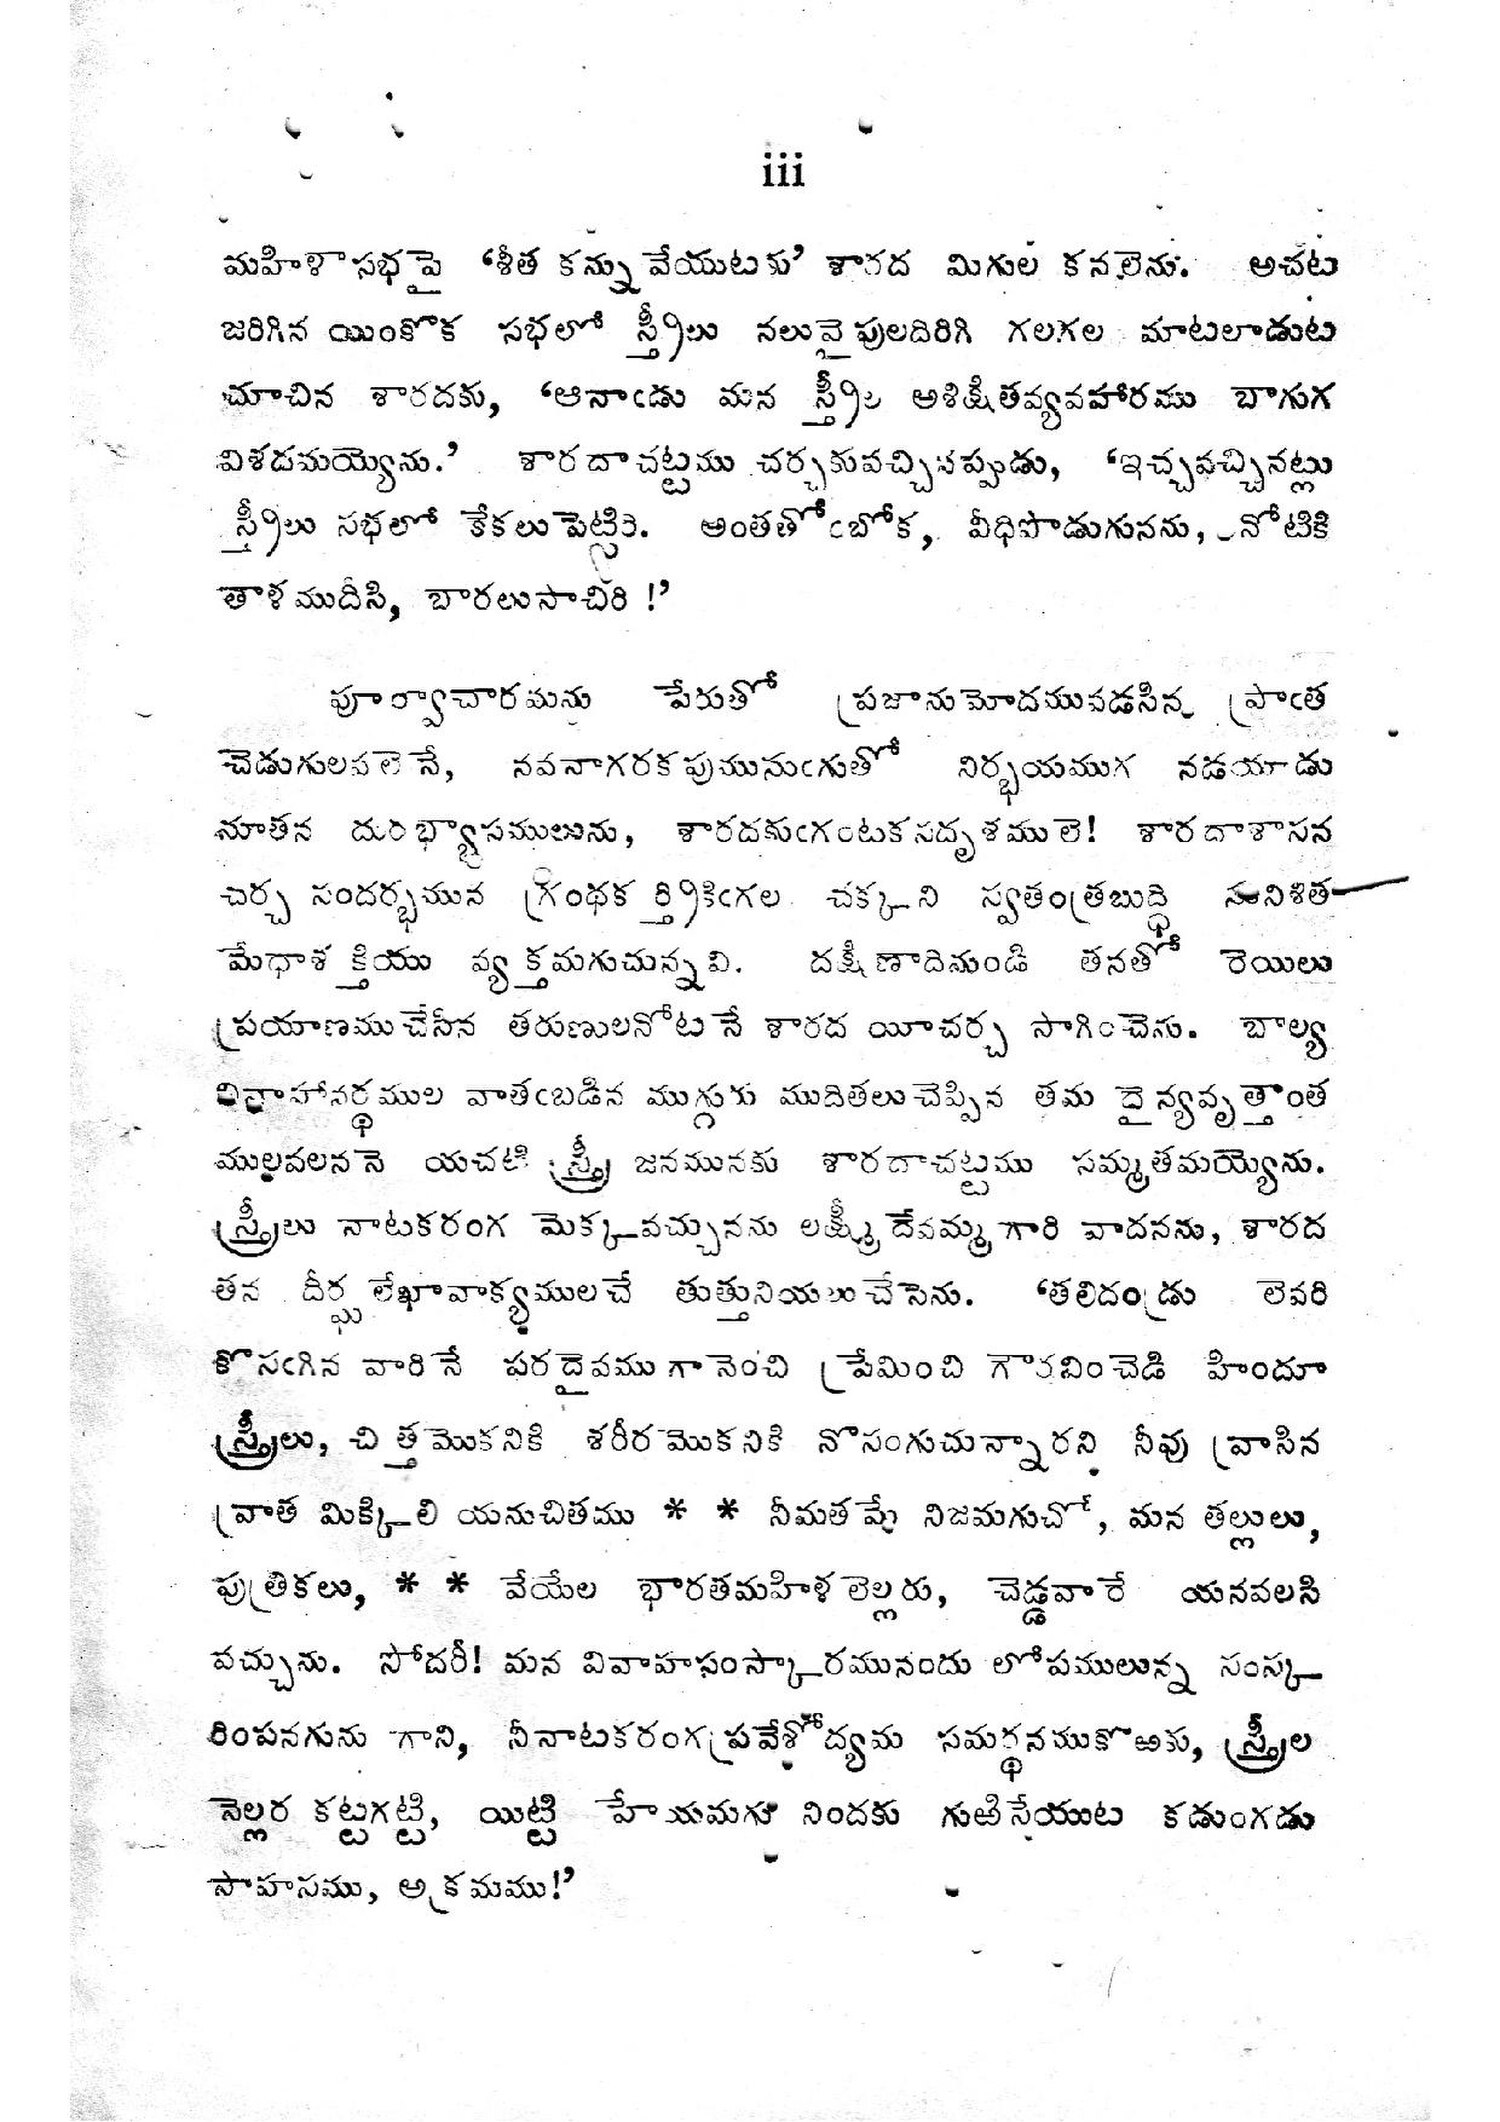మహిళాసభపై 'శీత కన్నువేయుటకు' శారద మిగుల కనలెను. అచట జరిగిన యింకొక సభలో స్త్రీలు నలువైపులదిరిగి గలగల మాటలాడుట చూచిన శారదకు, ‘ఆనాఁడు మన స్త్రీల అశిక్షితవ్యవహారము బాగుగ విశదమయ్యెను.' శారదాచట్టము చర్చకువచ్చినప్పుడు, 'ఇచ్చవచ్చినట్లు స్త్రీలు సభలో కేకలుపెట్టిరి. అంతతోఁబోక, వీధిపొడుగునను, నోటికి తాళముదీసి, బారలుసాచిరి !'

పూర్వాచారమను పేరుతో ప్రజానుమోదమువడసిన ప్రాఁత చెడుగులవలెనే, నవనాగరకపుముసుఁగుతో నిర్భయముగ నడయాడు నూతన దురభ్యాసములును, శారదకుఁగంటకసదృశములె! శారదాశాసన చర్చ సందర్భమున గ్రంథకర్త్రికిఁగల చక్కని స్వతంత్రబుద్ధి సునిశిత మేధాశక్తియు వ్యక్తమగుచున్నవి. దక్షిణాదినుండి తనతో రెయిలు ప్రయాణముచేసిన తరుణులనోటనే శారద యీచర్చ సాగించెను. బాల్య వివాహానర్థముల వాతఁబడిన ముగ్గురు ముదితలుచెప్పిన తమ దైన్యవృత్తాంతములవలననె యచటి స్త్రీ జనమునకు శారదాచట్టము సమ్మతమయ్యెను. స్త్రీలు నాటకరంగ మెక్కవచ్చునను లక్ష్మీదేవమ్మగారి వాదనను, శారద
తన దీర్ఘ లేఖావాక్యములచే తుత్తునియలుచేసెను. ‘తలిదండ్రు లెవరి కొసఁగిన వారినే పరదైవము గా నెంచి ప్రేమించి గౌరవించెడి హిందూ స్త్రీలు, చిత్తమొకనికి శరీరమొకనికి నొసంగుచున్నారని నీవు వ్రాసిన వ్రాత మిక్కిలి యనుచితము * * నీమతమే నిజమగుచో, మన తల్లులు, పుత్రికలు, * * వేయేల భారతమహిళలెల్లరు, చెడ్డవారే యనవలసి వచ్చును. సోదరీ! మన వివాహసంస్కారమునందు లోపములున్న సంస్కరింపనగును గాని, నీనాటకరంగప్రవేశోద్యమ సమర్థనముకొఱకు, స్త్రీల నెల్లర కట్టగట్టి, యిట్టి హేయమగు నిందకు గుఱిసేయుట కడుంగడు సాహసము, అక్రమము!'